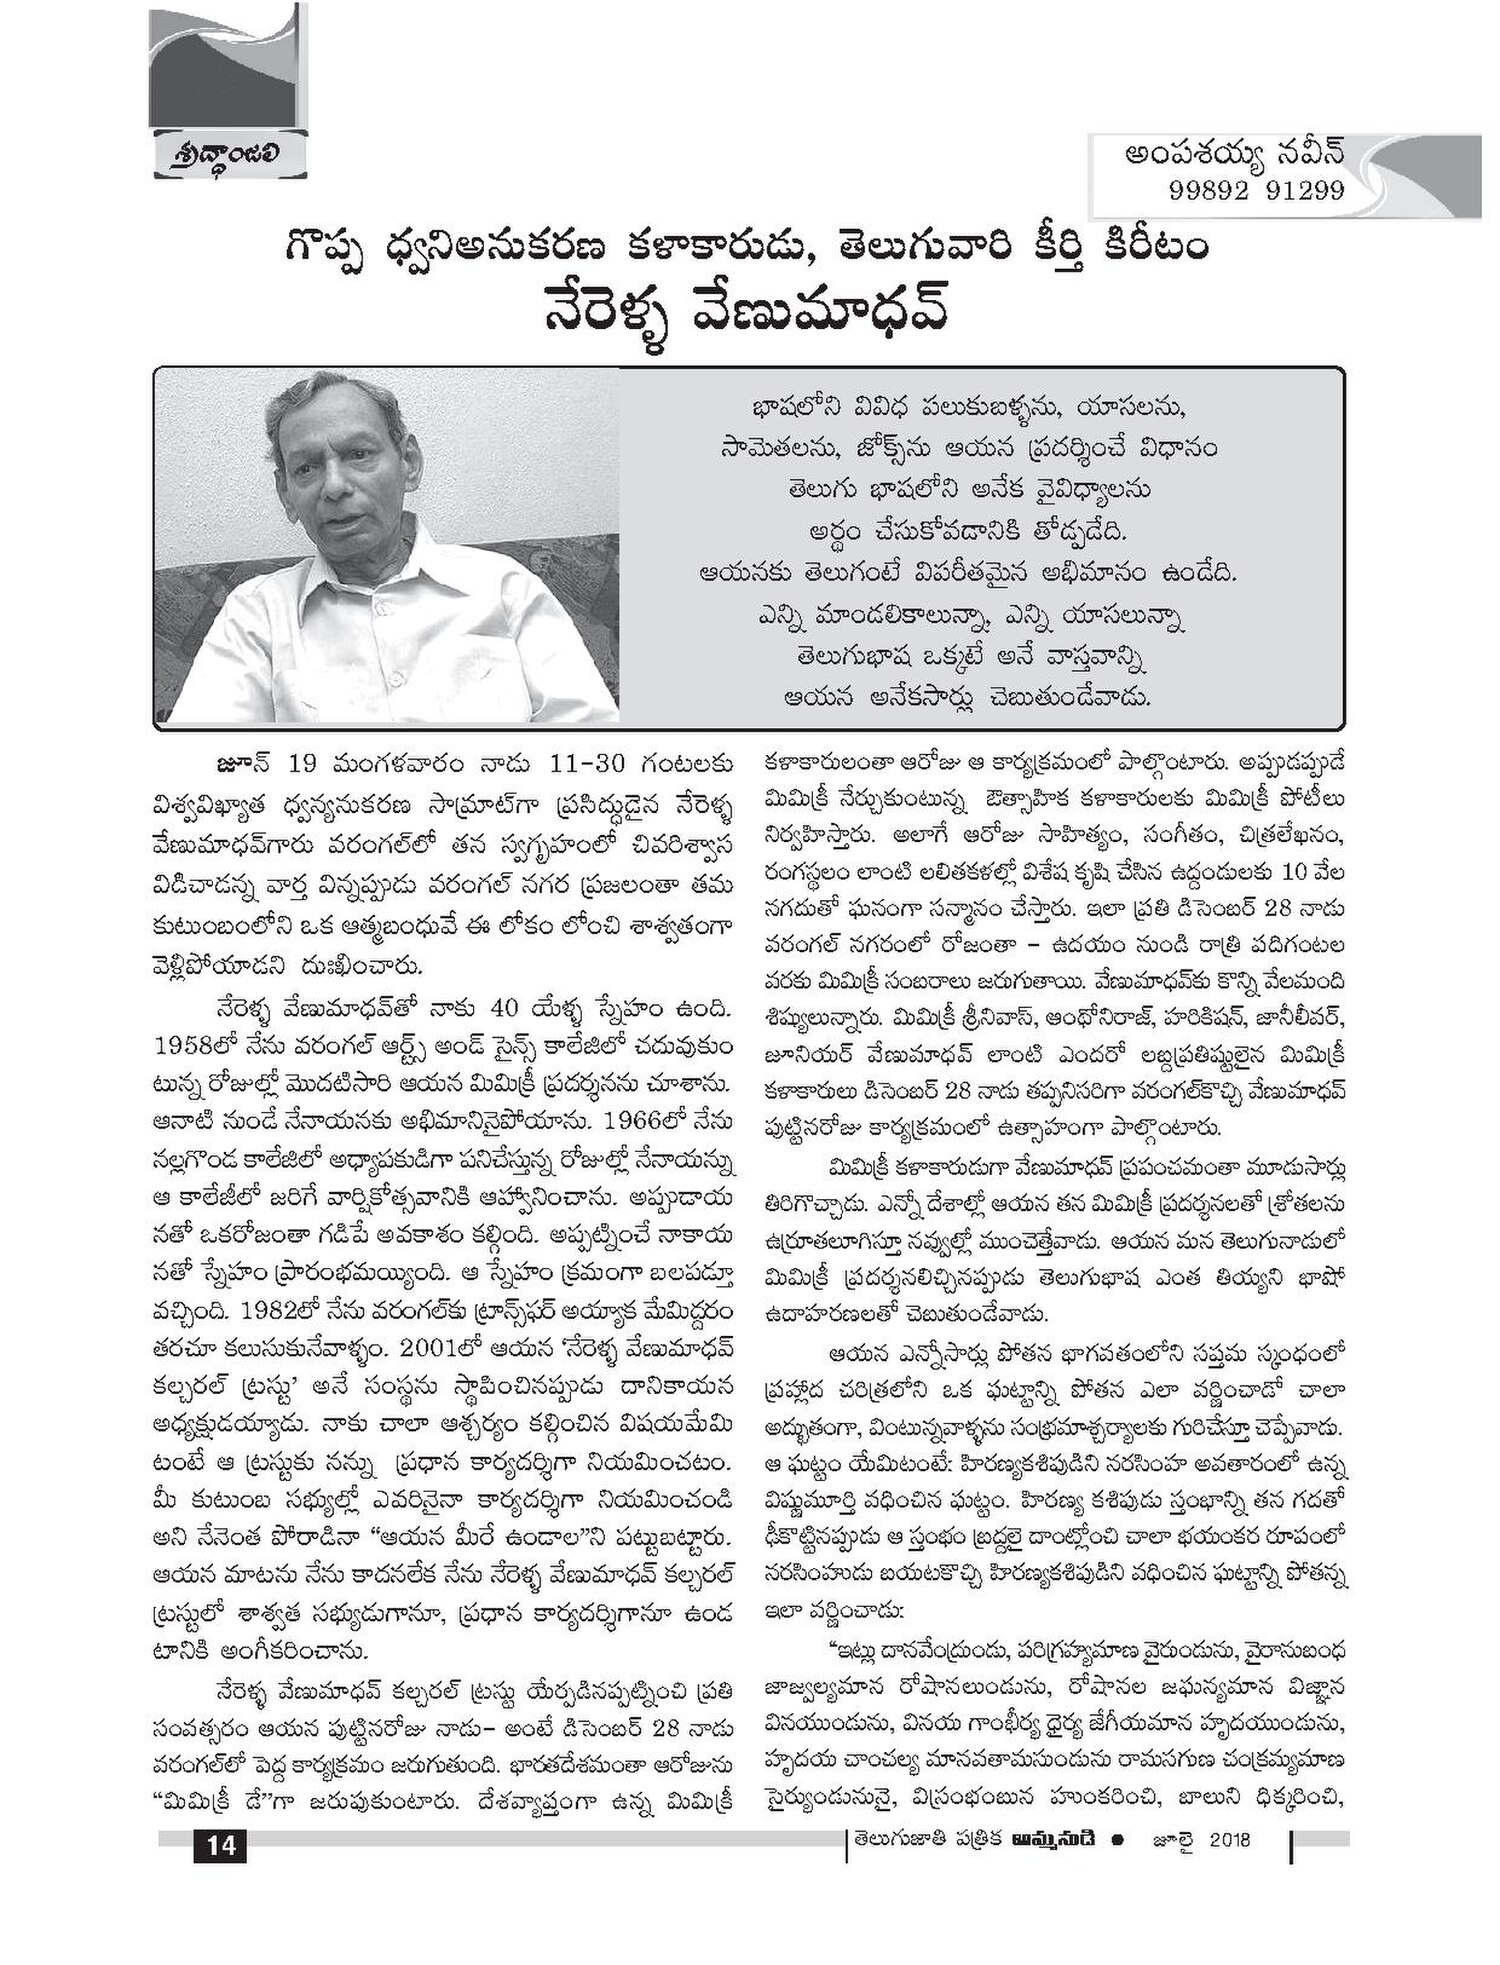గొప్ప ధ్వనిఅనుకరణ కళాకారుడు తెలుగువారి కీర్తి కిరీటం
నేరెళ్ళ వేణుమాధవ్

భాషలోని వివిధ పలుకుబళ్ళను యాసలను సామెతలను, జోక్స్‌ను ఆయన ప్రదర్శించే విధానం తెలుగు భాషలోని అనేక వైవిధ్యాలను అర్థం చేసుకోవడానికి తోడ్పడేది. ఆయనకు తెలుగంటే విపరీతమైన అభిమానం ఉండేది ఎన్ని మాండలికాలున్నా ఎన్ని యాసలున్నా తెలుగుభాష ఒక్కటే అనే వాస్తవాన్ని ఆయన అనేకసార్లు చెబుతుండేవాడు.

జూన్ 19 మంగళవారం నాడు 11-30 గంటలకు విశ్వవిఖ్యాత ధ్వన్యనుకరణ సామ్రాట్‌గా ప్రసిద్ధుడైన నేరెళ్ళ వేణుమాధవ్‌గారు వరంగల్‌లో తన స్వగృహంలో చివరిశ్వాస విడిచాడన్న వార్త విన్నప్పుడు వరంగల్ నగర ప్రజలంతా తమ కుటుంబంలోని ఒక ఆత్మబంధువే ఈ లోకం లోంచి శాశ్వతంగా వెళ్లిపోయాడని దుఃఖించారు.

నేరెళ్ళ వేణుమాధవ్‌తో నాకు 40 యేళ్ళ స్నేహం ఉంది 1958లో నేను వరంగల్ ఆర్ట్స్ అండ్ సైన్స్ కాలేజీలో చదువుకుంటున్న రోజుల్లో మొదటిసారి ఆయన మిమిక్రీ ప్రదర్శనను చూశాను. ఆనాటి నుండే నేనాయనకు అభిమానినైపోయాను 1966లో నేను నల్లగొండ కాలేజీలో అధ్యాపకుడిగా పనిచేస్తున్న రోజుల్లో నేనాయన్ను ఆ కాలేజీలో జరిగే వార్షికోత్సవానికి ఆహ్వానించాను. అప్పుడాయనతో ఒకరోజంతా గడిపే అవకాశం కల్గింది అప్పట్నించే నాకాయనతో స్నేహం ప్రారంభమైంది ఆ స్నేహం క్రమంగా బలపడ్తూ వచ్చింది 1982లో నేను వరంగల్‌కు ట్రాన్స్‌ఫర్ అయ్యాక మేమిద్దరం తరచూ కలుసుకునేవాళ్ళం 2001లో ఆయన 'నేరెళ్ళ వేణుమాధవ్ కల్చరల్ ట్రస్టు' అనే సంస్థను స్థాపించినప్పుడు దానికాయన అధ్యక్షుడయ్యాడు నాకు చాలా ఆశ్చర్యం కల్గించిన విషయమేమి టంటే ఆ ట్రస్టుకు నన్ను ప్రధాన కార్యదర్శిగా నియమించటం. మీ కుటుంబ సభ్యుల్లో ఎవరినైనా కార్యదర్శిగా నియమించండి అని నేనెంత పోరాడిన "ఆయన మీరే ఉండాల"ని పట్టుబట్టారు ఆయన మాటను నేను కాదనలేక నేను నేరెళ్ళ వేణుమాధవ్ కల్చరల్ ట్రస్టులో శాశ్వత సభ్యుడుగానూ ప్రధాన కార్యదర్శిగానూ ఉండటానికి అంగీకరించాను.

నేరెళ్ళ వేణుమాధవ్ కల్చరల్ ట్రస్టు యేర్పడినప్పట్నించి ప్రతి సంవత్సరం ఆయన పుట్టినరోజు నాడు - అంటే డిసెంబర్ 28 నాడు వరంగల్‌లో పెద్ద కార్యక్రమం జరుగుతుంది భారతదేశమంతా ఆరోజును "మిమిక్రీ డే"గా జరుపుకుంటారు దేశవ్యాప్తంగా ఉన్న మిమిక్రీ కళాకారులంతా ఆరోజు ఆ కార్యక్రమంలో పాల్గొంటారు అప్పుడప్పుడే మిమిక్రీ నేర్చుకుంటున్న ఔత్సాహిక కళాకారులకు మిమిక్రీ పోటీలు నిర్వహిస్తారు అలాగే ఆరోజు సాహిత్యం సంగీతం చిత్రలేఖనం రంగస్థలం లాంటి లలితకళల్లో విశేష కృషి చేసిన ఉద్దండులకు 10 వేల నగదుతో ఘనంగా సన్మానం చేస్తారు ఇలా ప్రతి డిసెంబర్ 28 నాడు వరంగల్ నగరంలో రోజంతా - ఉదయం నుండి రాత్రి పదిగంటల వరకు మిమిక్రీ సంబరాలు జరుగుతాయి వేణుమాధవ్‌కు కొన్ని వేలమంది శిష్యులున్నారు. మిమిక్రీ శ్రీనివాస్, ఆంథోనిరాజ్, హరికిషన్, జానీలీవర్, జూనియర్ వేణుమాధవ్ లాంటి ఎందరో లబ్ధప్రతిష్టులైన మిమిక్రీ కళాకారులు డిసెంబర్ 28 నాడు తప్పనిసరిగా వరంగల్‌కొచ్చి వేణుమాధవ్ పుట్టినరోజు కార్యక్రమంలో ఉత్సాహంగా పాల్గొంటారు

మిమిక్రీ కళాకారుడుగా వేణుమాధవ్ ప్రపంచమంతా మూడుసార్లు తిరిగొచ్చాడు ఎన్నో దేశాల్లో ఆయన తన మిమిక్రీ ప్రదర్శనలతో శ్రోతలను ఉర్రూతలూగిస్తూ నవ్వుల్లో ముంచెత్తేవాడు ఆయన మన తెలుగునాడులో మిమిక్రీ ప్రదర్శనలిచ్చినప్పుడు తెలుగుభాష ఎంత తియ్యని బాషో ఉదాహరణలతో చెబుతుండేవాడు

ఆయన ఎన్నోసార్లు పోతన భాగవతంలోని సప్తమ స్కంధంలో ప్రహ్లాద చరిత్రలోని ఒక ఘట్టాన్ని పోతన ఎలా వర్ణించాడో చాలా అద్భుతంగా, వింటున్నవాళ్ళను సంభ్రమాశ్చర్యాలకు గురిచేస్తూ చెప్పేవాడు. ఆ ఘట్టం యేమిటంటే హిరణ్యకశిపుడిని నరసింహ అవతారంలో ఉన్న విష్ణుమూర్తి వధించిన ఘట్టం హిరణ్య కశిపుడు స్తంభాన్ని తన గదతో ఢీకొట్టినప్పుడు ఆస్తంభం బ్రద్దలై దాంట్లోంచి చాలా భయంకర రూపంలో నరసింహుడు బయటకొచ్చి హిరణ్యకశిపుడిని వధించిన ఘట్టాన్ని పోతన్న ఇలా వర్ణించాడు

"ఇట్లు దానవేంద్రుండు, పరిగ్రహ్యమాణ వైరుండును, వైరానుబంధ జాజ్వల్యమాన రోషానలుండును, రోషానల జఘన్యమాన విజ్ఞాన వినయుండును, వినయ గాంభీర్యధైర్య జేగీయమాన హృదయుండును, హృదయ చాంచల్య మానవతామసుండును రామసగుణ చంక్రమ్యమాణ సైర్యుండునునై, విస్రంభంబున హుంకరించి, బాలుని ధిక్కరించి,